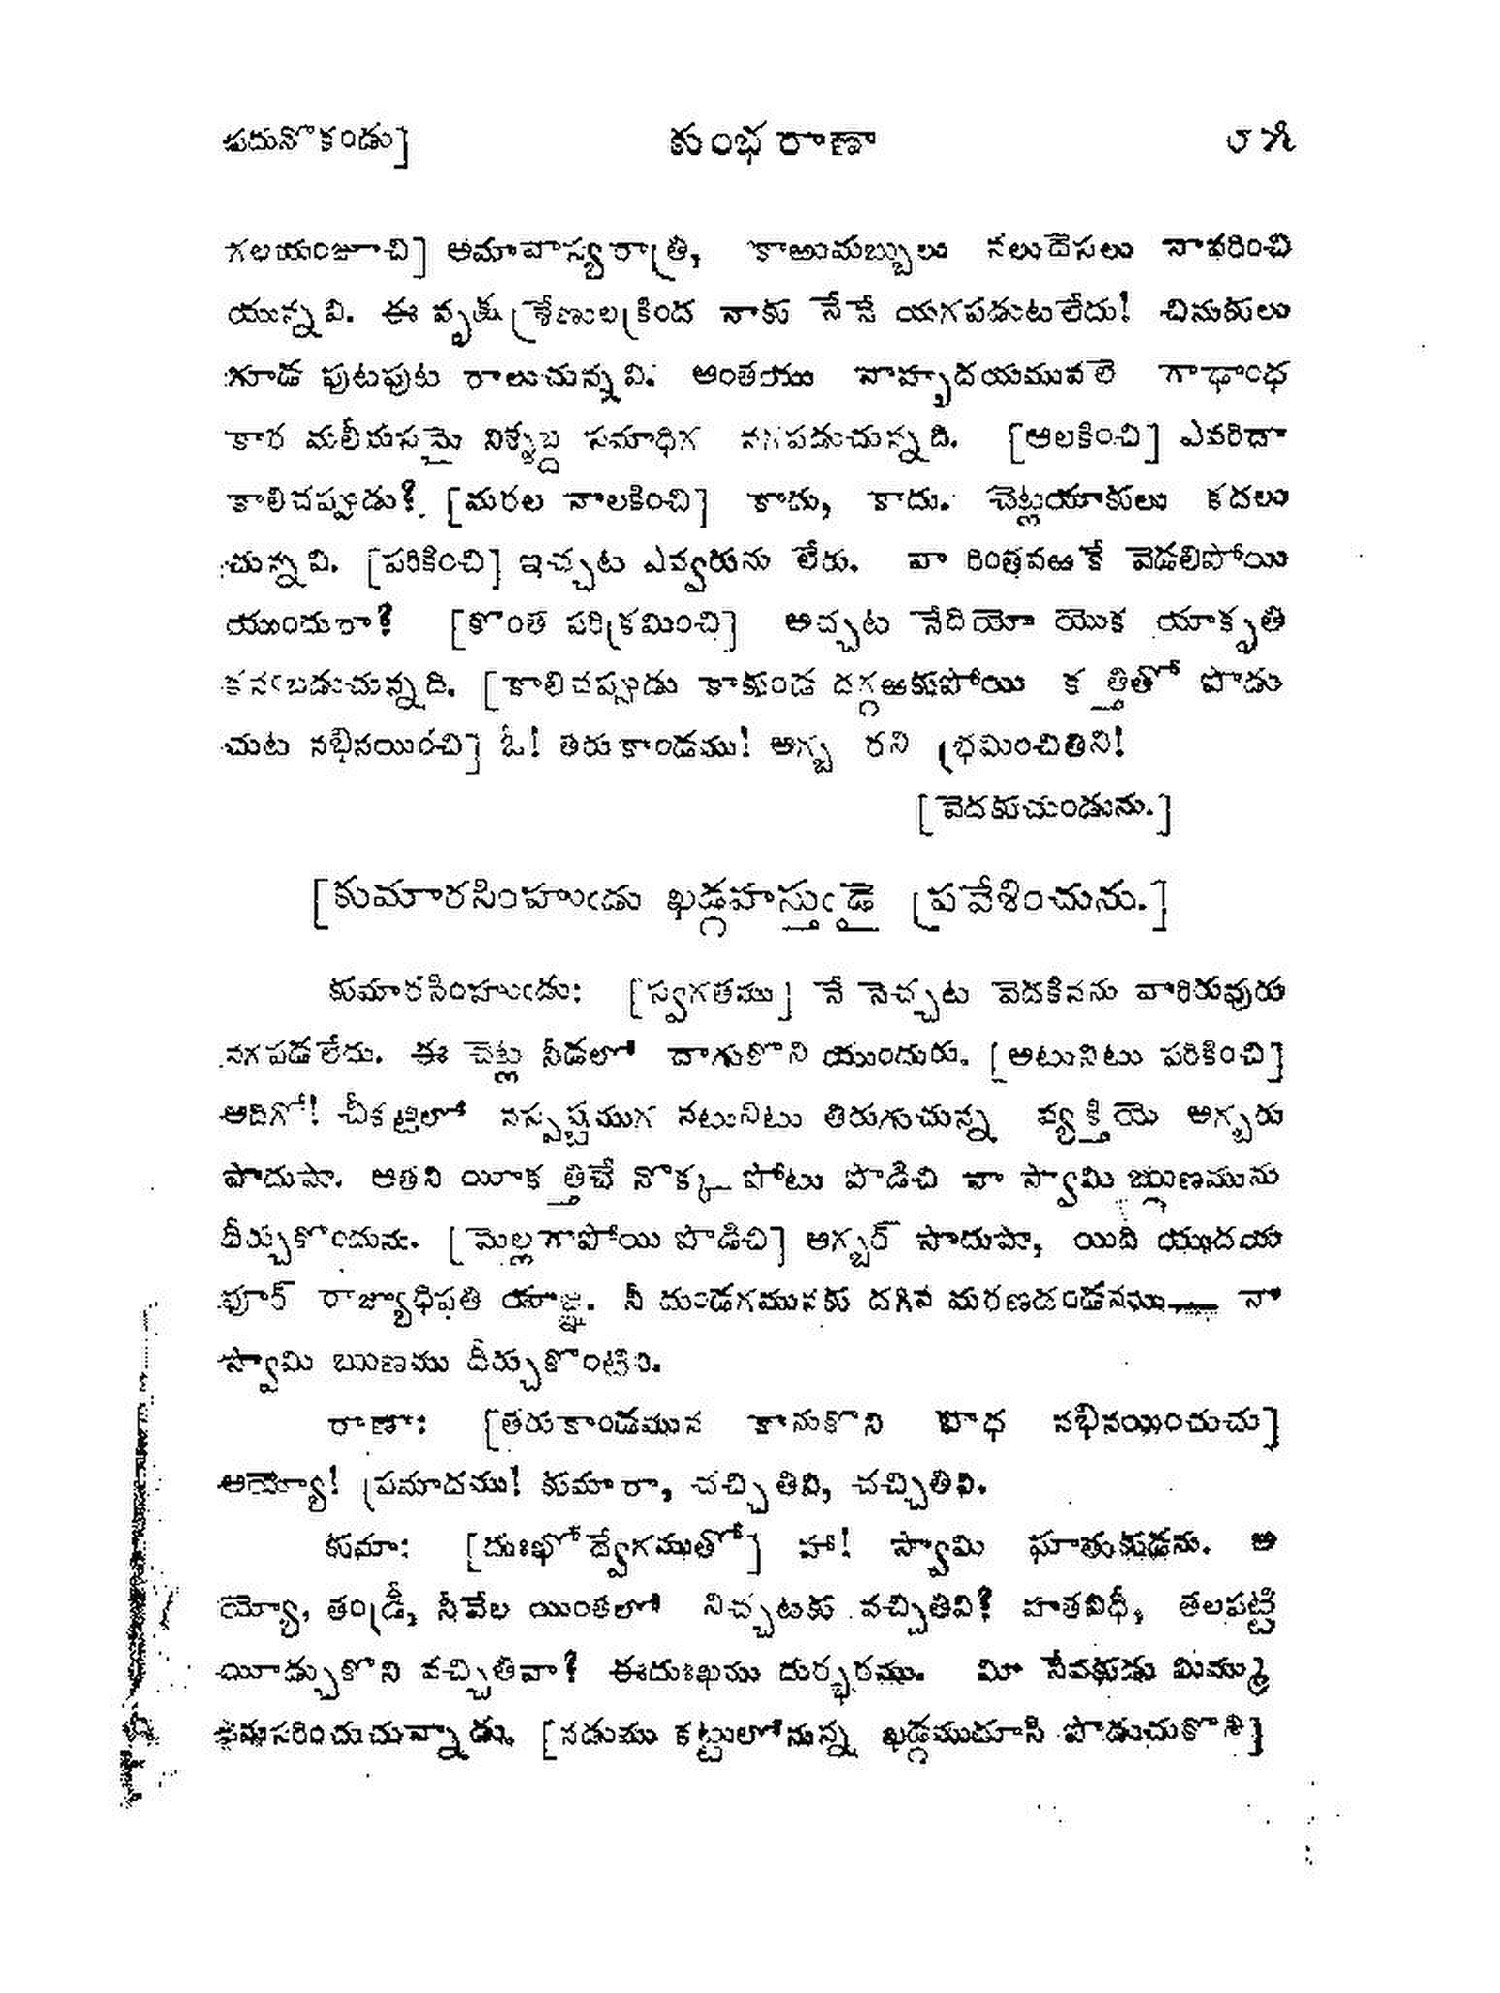గలయంజూచి] అమావాస్యరాత్రి, కాఱుమబ్బులు నలుదెసలు నావరించి యున్నవి. ఈ వృక్షశ్రేణులక్రింద నాకు నేనే యగపడుటలేదు! చినుకులు గూడ పుటపుట రాలుచున్నవి. అంతయు నాహృదయమువలె గాఢాంధకార మలీమసమైనిశ్శబ్ద సమాధిగ నగపడుచున్నది. [ఆలకించి] ఎవరిదా కాలిచప్పుడు? [మరల నాలకించి] కాదు, కాదు. చెట్లయాకులు కదలుచున్నవి. [పరికించి] ఇచ్చట ఎవ్వరును లేరు. వా రింతవఱకే వెడలిపోయి యుందురా? [కొంత పరిక్రమించి] అచ్చట నేదియో యొక యాకృతి కనఁబడుచున్నది. [కాలిచప్పుడు కాకుండ దగ్గఱకుపోయి కత్తితో పొడుచుట నభినయించి] ఓ! తరుకాండము! అగ్బ రని భ్రమించితిని!

కుమారసింహుఁడు : [స్వగతము] నే నెచ్చట వెదకినను వారిరువురు నగపడలేదు. ఈ చెట్ల నీడలో దాగుకొని యుందురు. [అటునిటు పరికించి] అదిగో! చీకటిలో నస్పష్టముగ నటునిటు తిరుగుచున్న వ్యక్తియె అగ్బరు పాదుషా. ఆతని యీకత్తిచే నొక్క పోటు పొడిచి నా స్వామి ఋణమును దీర్చుకొందును. [మెల్లగాపోయి పొడిచి] అగ్బర్ పాదుషా, యిది యుదయపూర్ రాజ్యాధిపతి యాజ్ఞ. నీ దుండగమునకు దగిన మరణదండనము - నా స్వామి ఋణము దీర్చుకొంటిని.

రాణా : [తరుకాండమున కానుకొని బాధ నభినయించుచు] అయ్యో! ప్రమాదము! కుమారా, చచ్చితిని, చచ్చితిని.

కుమా : [దు:ఖోద్వేగముతో] హా! స్వామి ఘాతుకుడను. అయ్యో, తండ్రీ, నీవేల యింతలో నిచ్చటకు వచ్చితివి? హతవిధీ, తలపట్టి యీడ్చుకొని వచ్చితివా? ఈదు:ఖము దుర్భరము. మీ సేవకుడు మిమ్ము ననుసరించుచున్నాడు. [నడుము కట్టులోనున్న ఖడ్గముదూసి పొడుచుకొని]